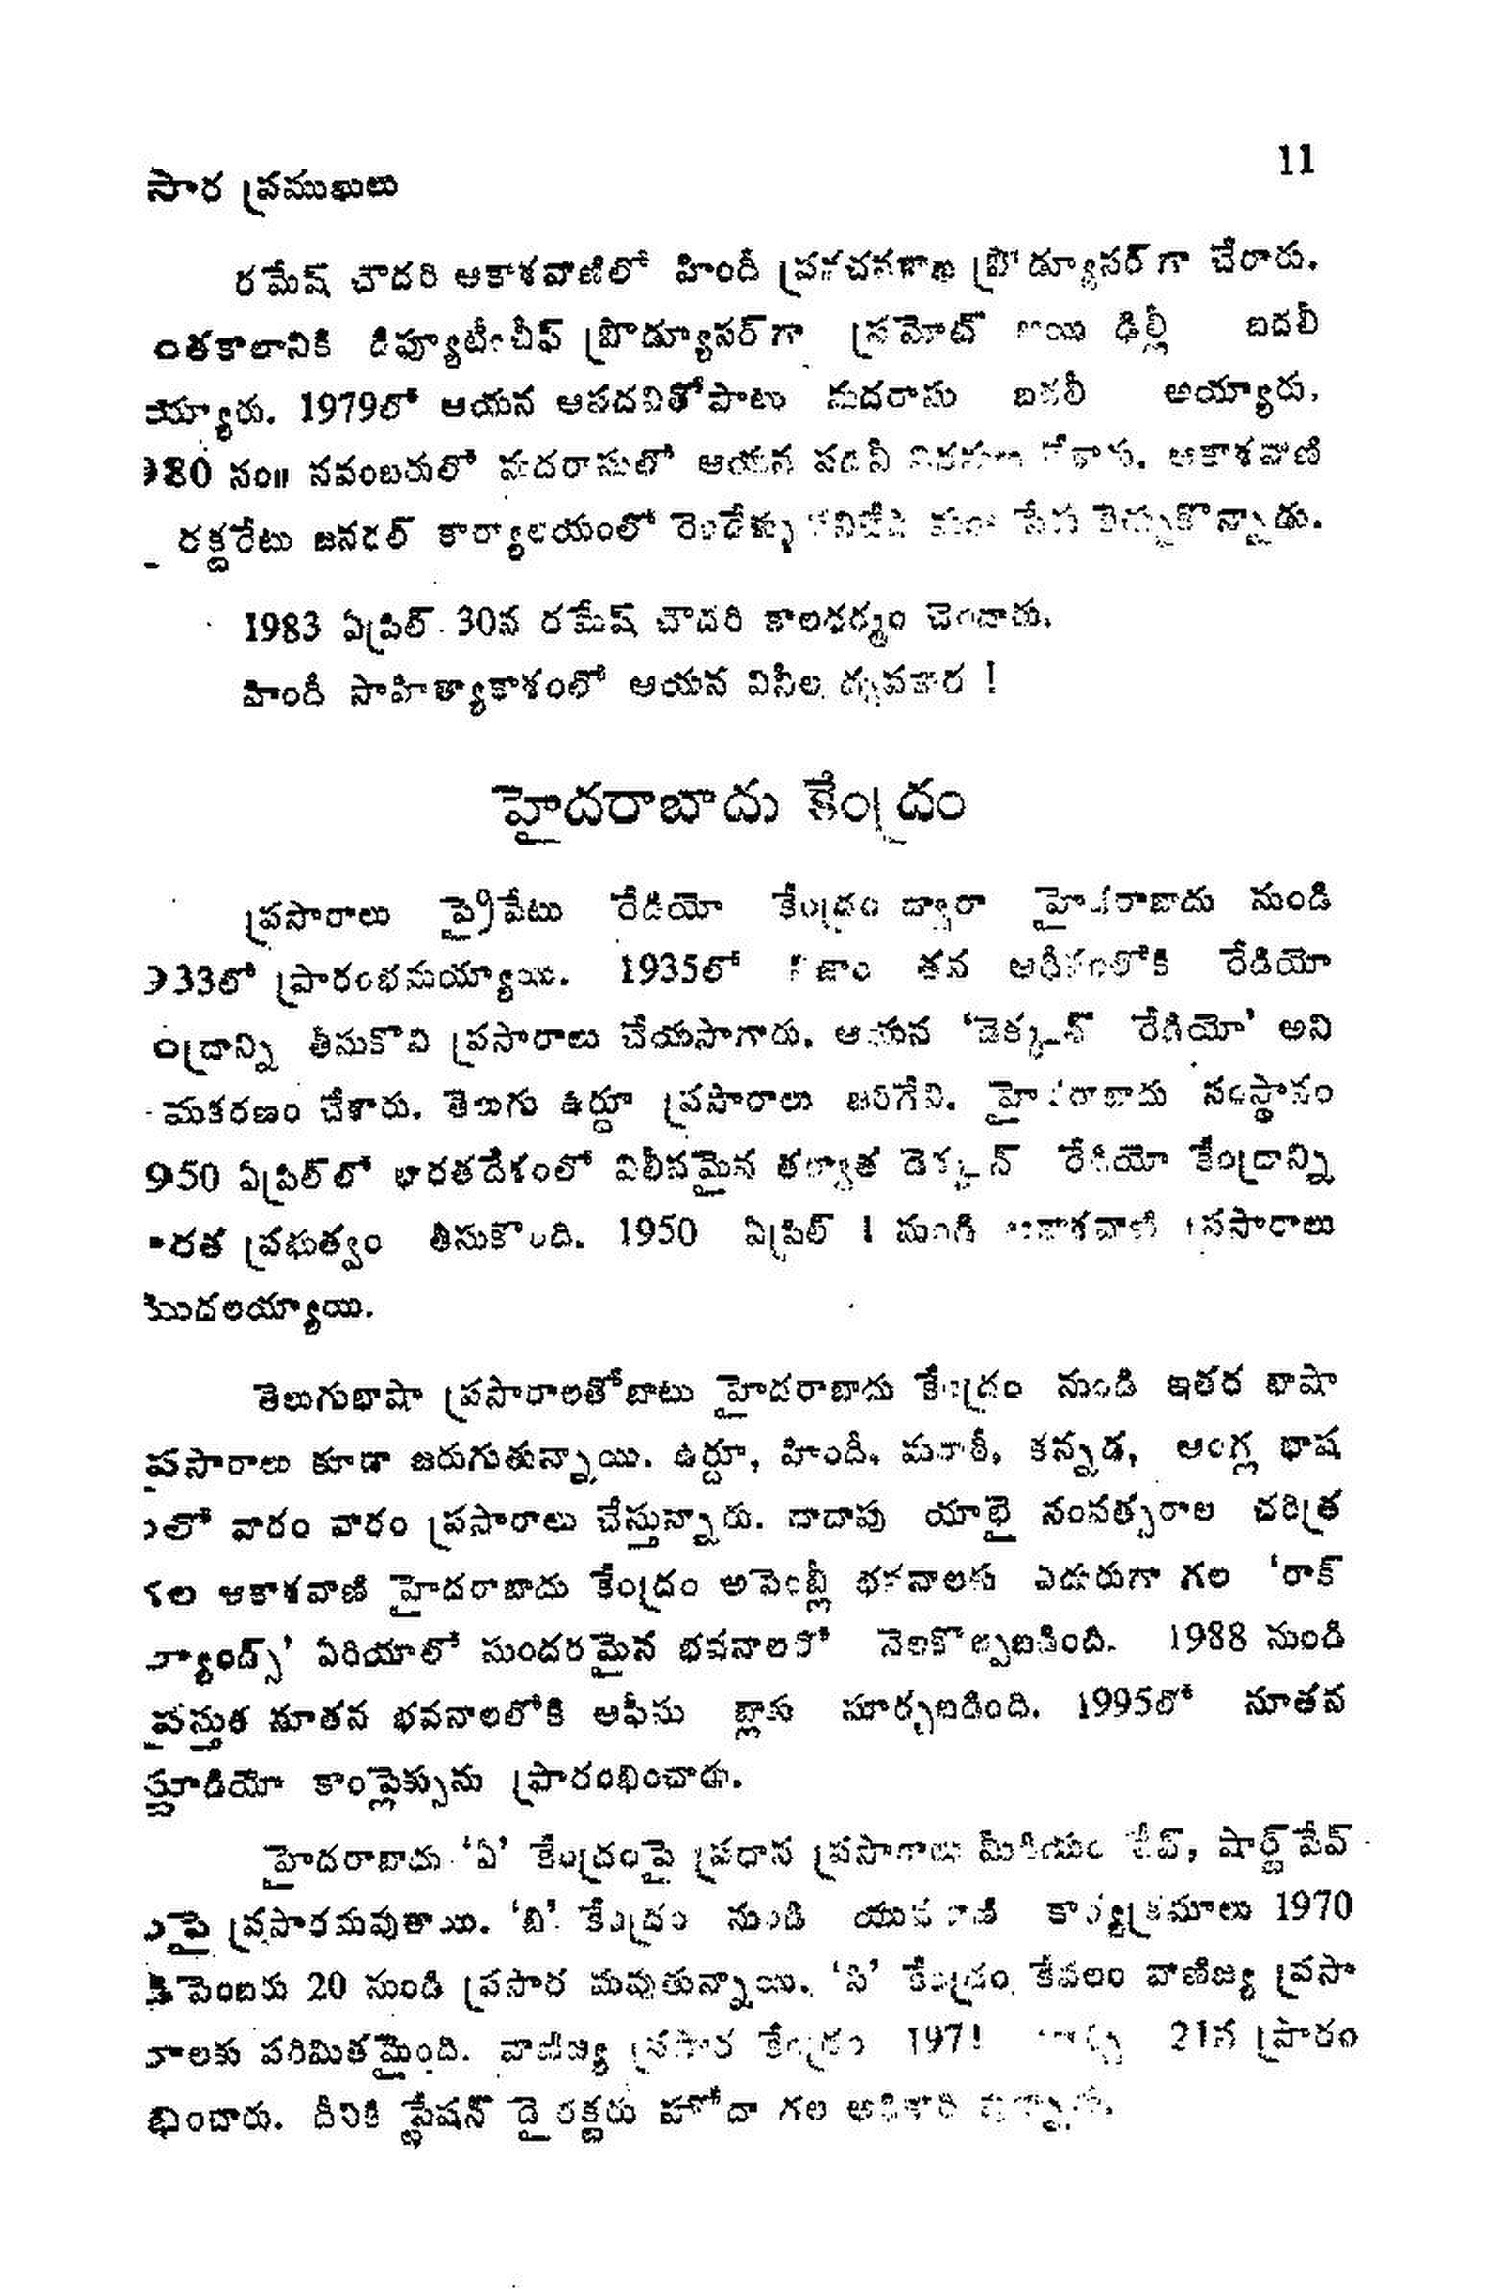రమేష్ చౌదరి ఆకాశవాణిలో హిందీ ప్రవచనశాఖ ప్రొడ్యూసర్ గా చేరారు. కొంతకాలానికి డిప్యూటీ ఛీఫ్ ప్రొడ్యూసర్ గా ప్రమోట్ అయి ఢిల్లీ బదలీ అయ్యారు. 1979లో ఆయన ఆ పదవితో పాటు మదరాసు బదలీ అయ్యారు. 1980 సం॥ నవంబరులో మదరాసులో ఆయన పదవీ విరమణ చేశారు. ఆకాశవాణి డైరక్టరేటు జనరల్ కార్యాలయంలో రెండేళ్ళు పనిచేసి మంచి పేరు తెచ్చుకొన్నాడు.

1983 ఏప్రిల్ 30న రమేష్ చౌదరి కాలధర్మం చెందారు.

హిందీ సాహిత్యాకాశంలో ఆయన వినీల ధృవతార.

ప్రసారాలు ప్రైవేటు రేడియో కేంద్రం ద్వారా హైదరాబాదు నుండి 1933 లో ప్రారంభమయ్యాయి. 1935లో నిజాం తన ఆధీనంలోకి రేడియో కేంద్రాన్ని తీసుకొని ప్రసారాలు చేయసాగారు. ఆయన 'డెక్కన్ రేడియో' అని నామకరణం చేశారు. తెలుగు ఉర్దూ ప్రసారాలు జరిగేవి. హైదరాబాదు సంస్థానం 1950 ఏప్రిల్ లో భారతదేశంలో విలీనమైన తర్వాత డెక్కన్ రేడియో కేంద్రాన్ని భారత ప్రభుత్వం తీసుకొంది. 1950 ఏప్రిల్ 1 నుండి ఆకాశవాణి ప్రసారాలు మొదలయ్యాయి.

తెలుగుభాషా ప్రసారాలతోబాటు హైదరాబాదు కేంద్రం నుండి ఇతర భాషా ప్రసారాలు కూడా జరుగుతున్నాయి. ఉర్దూ, హిందీ, మరాఠీ, కన్నడ, ఆంగ్ల భాషాలలో వారం వారం ప్రసారాలు చేస్తున్నారు. దాదాపు యాభై సంవత్సరాల చరిత్ర గల ఆకాశవాణి హైదరాబాదు కేంద్రం అసెంబ్లీ భవనాలకు ఎదురుగా గల 'రాక్ ల్యాండ్స్‌' ఏరియాలో సుందరమైన భవనాలలో నెలకొల్పబడింది. 1988 నుండి ప్రస్తుత నూతన భవనాలలోకి ఆఫీసు బ్లాకు మార్చబడింది. 1995 లో నూతన స్టూడియో కాంప్లెక్సును ప్రారంభించారు.

హైదరాబాదు 'ఏ' కేంద్రంపై ప్రధాన ప్రసారాలు మీడియం వేవ్, షార్ట్‌వేవ్ లపై ప్రసారమవుతాయి. 'బి' కేంద్రం నుండి యువవాణి కార్యక్రమాలు 1970 డిసెంబరు 20 నుండి ప్రసార మవుతున్నాయి. 'సి' కేంద్రం కేవలం వాణిజ్య ప్రసారాలకు పరిమితమైంది. వాణిజ్య ప్రసార కేంద్రం 1971 మార్చి 21న ప్రారంభించారు. దీనికి స్టేషన్ డైరక్టరు హోదా గల అధికారి వున్నారు.